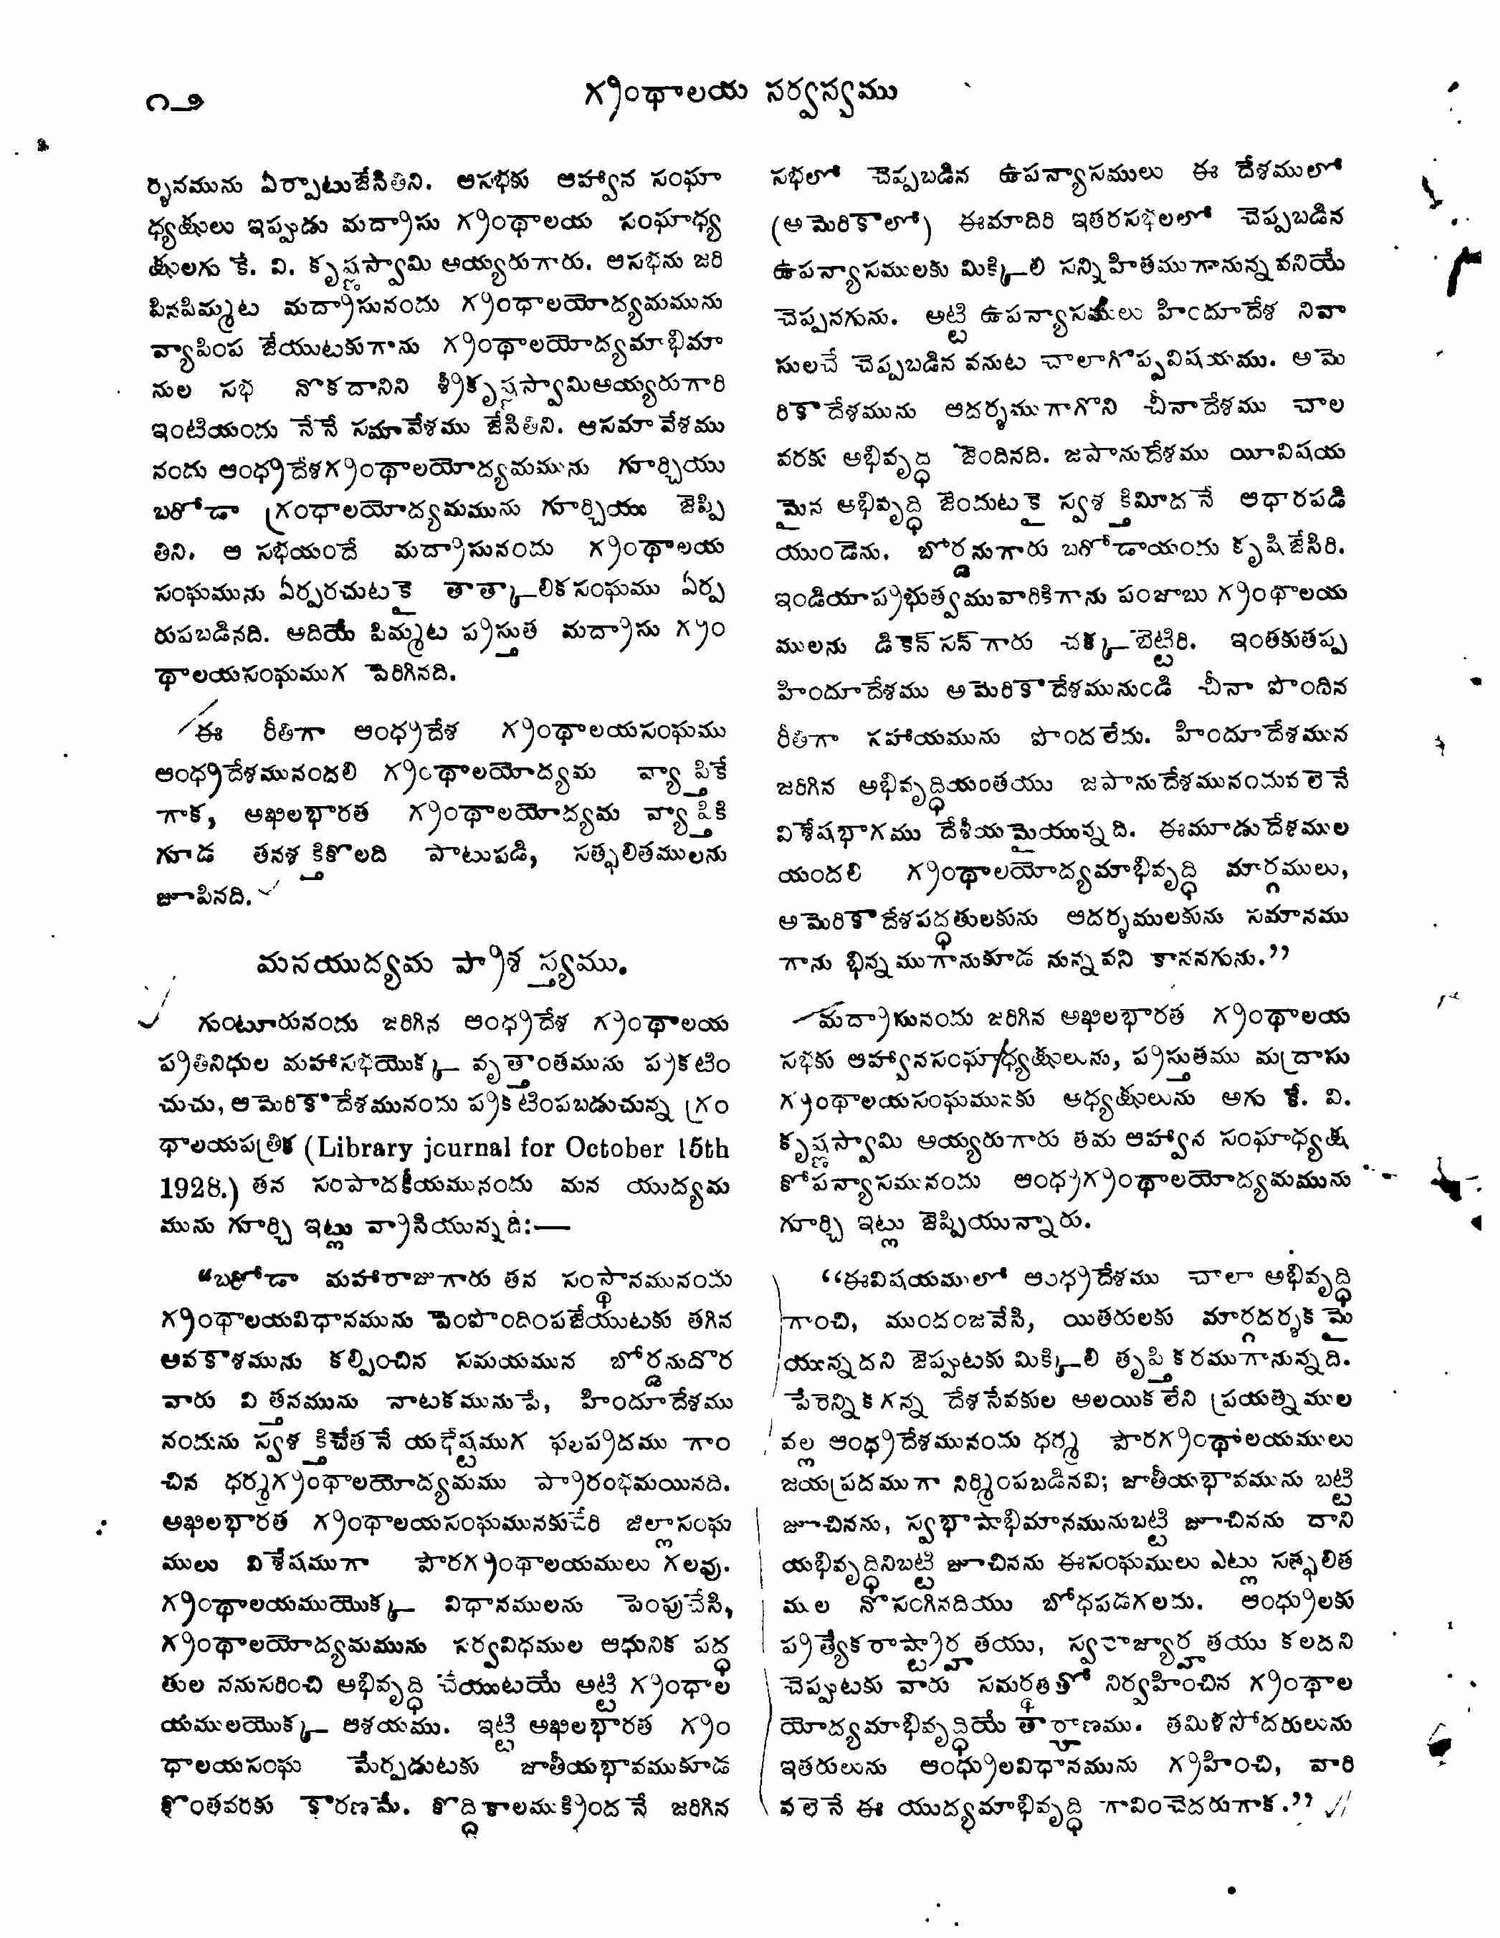ర్శనమును ఏర్పాటుజేసితిని. అసభకు ఆహ్వాన సంఘాధ్యక్షులు ఇప్పుడు మద్రాసు గ్రంథాలయ సంఘాధ్యతలగు కే. వి. కృష్ణస్వామి అయ్యరుగారు, అసభను జరిపిన పిమ్మట మద్రాసు నందు గ్రంధాలయోద్యమమును వ్యాపింప జేయుటకు గాను గ్రంథాల
యోద్యమాభిమానుల సభ నొకదానిని శ్రీకృష్ణస్వామి అయ్యరు గారి ఇంటియందు నేనే సమావేశము జేసితిని. ఆసమావేశము నందు ఆంధ్రదేశ గ్రంథాలయోద్యమమును గూర్చియు, బరోడా గ్రంధాలయోద్యమమును గూర్చియు జెప్పితిని. ఆ సభయందే మద్రాసునందు గ్రంథాలయ సంఘమును ఏర్పరచుటకై తాత్కాలిక సంఘము ఏర్పరుపబడినది. అదియే పిమ్మట ప్రస్తుత మద్రాసు గ్రంథాలయ సంఘముగ పెరిగినది.

ఈ రీతిగా ఆంధ్రదేశ గ్రంథాలయ సంఘము ఆంధ్రదేశమునందలి గ్రంథాలయోద్యమ వ్యాప్తికే గాక, అఖిలభారత గ్రంథాలయోద్యమ 
వ్యాప్తికి గూడ తనశక్తి కొలది పాటుపడి, సత్ఫలితములను జూపినది. 

గుంటూరునందు జరిగిన ఆంధ్రదేశ గ్రంథాలయ ప్రతినిధుల మహాసభయొక్క వృత్తాంతమును ప్రకటించుచు, ఆమెరికా 
దేశమునందు ప్రకటింపబడుచున్న గ్రంథాలయపత్రిక (Library journal for October 15th 1928.) తన సంపాదకీయము
నందు మన యుద్యమమును గూర్చి ఇట్లు వానియున్నది: —

బర్రోడా మహారాజుగారు తన సంస్థానము నందు గ్రంథాలయ విధానమును పెంపొందింప జేయుటకు తగిన అవకాశమును కల్పించిన సమయమున బోర్డను దొరవారు విత్తనమును నాటకమునుపే, హిందూదేశము నందును స్వశక్తిచేతనే యధేష్టముగ ఫలప్రదము
గాంచిన ధర్మగ్రంథాలయోద్యమము ప్రారంభమయినది. అఖిలభారత గ్రంథాలయ సంఘమునకు చేరి జిల్లా సంఘములు విశేషముగా పౌరగ్రంథాలయములు గలవు. గ్రంథాలయము యొక్క విధానములను పెంపుచేసి, గ్రంథాలయోద్యమమును సర్వవిధముల ఆధునిక 
పద్దతుల ననుసరించి అభివృద్ధి చేయుటయే అట్టి గ్రంధాలయములయొక్క ఆశయము. ఇట్టి అఖిల భారత గ్రంధాలయ సంఘ మేర్పడుటకు జాతీయ భావము కూడ కొంతవరకు కారణమే. కొద్ది కాలము క్రిందనే జరిగిన సభలో చెప్పబడిన ఉపన్యాసములు ఈ దేశములో (అమెరికాలో) ఈమాదిరి ఇతర సభలలో చెప్పబడిన ఉపన్యాసములకు మిక్కిలి సన్నిహితము గానున్నవనియే
చెప్పనగును. అట్టి ఉపన్యాసములు హిందూదేశ నివాసులచే చెప్పబడిన వనుట చాలా గొప్పవిషయము. ఆమెరికా దేశమును 
ఆదర్శముగా గొని చీనా దేశము చాలవరకు అభివృద్ధి జెందినది. జపాను దేశము యీ విషయమైన అభివృద్ధి జేందుటకై స్వశక్తిమీదనే ఆధారపడి యుండెను. బోర్డనుగారు బగోడాయందు కృషిజేసిరి. ఇండియా ప్రభుత్వము వారికిగాను పంజాబు గ్రంథాలయములను 
డికెన్ సన్ గారు చక్క బెట్టిరి. ఇంతకు తప్ప హిందూదేశము అమెరికా దేశమునుఁడి చీనా పొందిన రీతిగా సహాయమును పొందలేదు. హిందూదేశమున జరిగిన అభివృద్ధియంతయు జపాను దేశమునందువలెనే విశేషభాగము దేశీయమైయున్నది. ఈమూడు దేళముల
గ్రంథాలయోద్యమాభివృద్ధి మార్గములు, అమెరికా దేశ పద్దతులకును ఆదర్శములకును సమానముగాను భిన్నముగానుకూడ నున్నవని కాననగును.”

మదాసునందు జరిగిన అఖిలభారత గ్రంథాలయ సభకు ఆహ్వాన సంఘాధ్యక్షులును, ప్రస్తుతము మద్రాసు గ్రంథాలయ సంఘమునకు అధ్యక్షులును అగు కే. వి.కృష్ణస్వామి అయ్యరు గారు తమ ఆహ్వాన సంఘాధ్యక్షకోపన్యాసము నందు ఆంధ్ర గ్రంథాలయోద్యమమును
గూర్చి ఇటు జెప్పియున్నారు.

“ఈ విషయములో ఆంధ్ర దేశము చాలా అభివృద్ధి గాంచి, ముందంజ వేసి, యితరులకు మార్గదర్శకమై యున్నదని జెప్పుటకు మిక్కిలి తృప్తికరముగానున్నది. పేరెన్నిక గన్న దేశ సేవకులు అలయిక లేని ప్రయత్నిములవల్ల ఆంధ్రదేశమునందు ధర్మ పౌరగ్రంథాలయములు
జయప్రదముగా నిర్మింపబడినవి; జాతీయభావమును బట్టి జూచినను, స్వభాషాభిమానమును బట్టి జూచినను దానియభివృద్ధిని బట్టి జూచినను ఈ సంఘములు ఎట్లు సత్ఫలితముల నొసంగినదియు బోధపడగలదు. అంధ్రులకు ప్రత్యేక రాష్ట్రార్హతయు, స్వరాజ్యార్హతయు కలదని చెప్పుటకు వారు సమర్థతతో నిర్వహించిన గ్రంథాలయోద్యమాభివృద్ధియే తారాణము. తమిళ సోదరులును ఇతరులును ఆంధ్రుల విధానమును గ్రహించి, వారివలెనే ఈ యుద్యమాభివృద్ధి గావించెదరుగాక.”